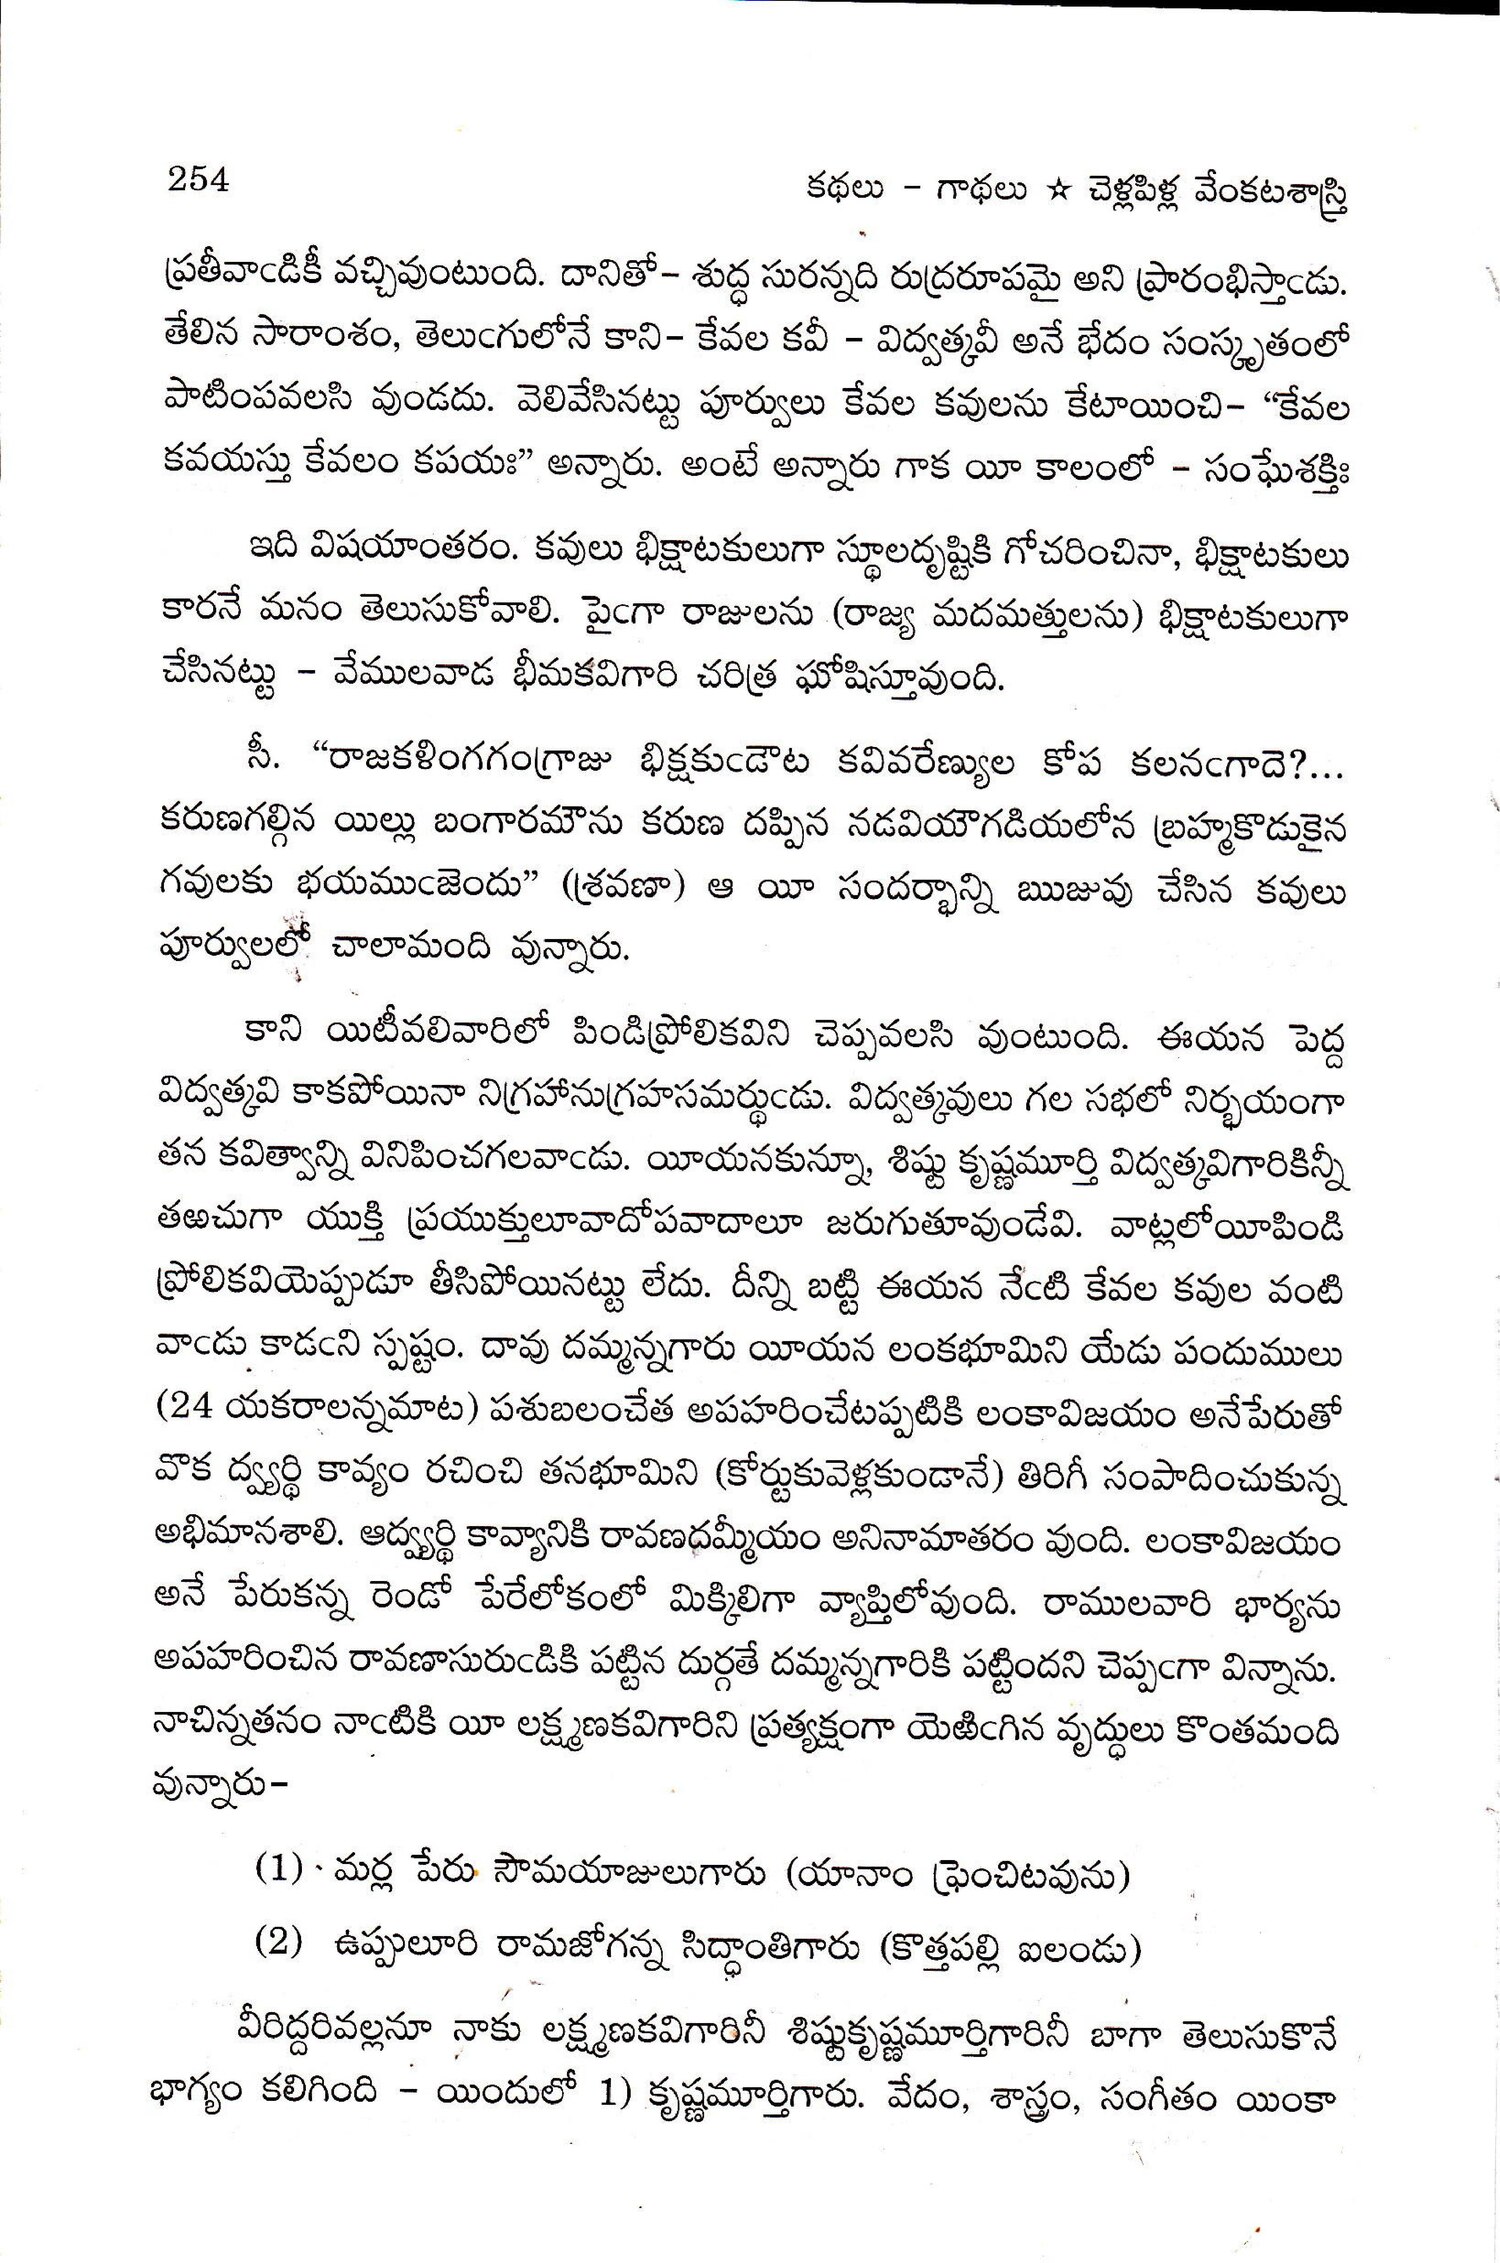ప్రతీవాఁడికీ వచ్చివుంటుంది. దానితో-శుద్ధ సురన్నది రుద్రరూపమై అని ప్రారంభిస్తాఁడు. తేలిన సారాంశం, తెలుఁగులోనే కాని- కేవల కవీ - విద్వత్కవీ అనే భేదం సంస్కృతంలో పాటింపవలసి వుండదు. వెలివేసినట్టు పూర్వులు కేవల కవులను కేటాయించి- “కేవల కవయస్తు కేవలం కపయః" అన్నారు. అంటే అన్నారు గాక యీ కాలంలో - సంఫేుశక్తిః

ఇది విషయాంతరం. కవులు భిక్షాటకులుగా స్థూలదృష్టికి గోచరించినా, భిక్షాటకులు కారనే మనం తెలుసుకోవాలి. పైఁగా రాజులను (రాజ్య మదమత్తులను) భిక్షాటకులుగా చేసినట్టు - వేములవాడ భీమకవిగారి చరిత్ర ఘాషిస్తూవుంది.

సీ. “రాజకళింగగంగ్రాజు భిక్షకుఁడౌట కవివరేణ్యుల కోప కలనఁగాదె?... కరుణగల్గిన యిల్లు బంగారమౌను కరుణ దప్పిన నడవియౌగడియలోన బ్రహ్మకొడుకైన గవులకు భయముఁజెందు" (శ్రవణా) ఆ యీ సందర్భాన్ని ఋజువు చేసిన కవులు పూర్వులలో చాలామంది వున్నారు.

కాని యిటీవలివారిలో పిండిప్రోలికవిని చెప్పవలసి వుంటుంది. ఈయన పెద్ద విద్వత్కవి కాకపోయినా నిగ్రహానుగ్రహసమర్థుఁడు. విద్వత్కవులు గల సభలో నిర్భయంగా తన కవిత్వాన్ని వినిపించగలవాఁడు. యీయనకున్నూ, శిష్టు కృష్ణమూర్తి విద్వత్కవిగారికిన్నీ తఱచుగా యుక్తి ప్రయుక్తులూవాదోపవాదాలూ జరుగుతూవుండేవి. వాట్లలోయీపిండి ప్రోలికవియెప్పుడూ తీసిపోయినట్టు లేదు. దీన్ని బట్టి ఈయన నేఁటి కేవల కవుల వంటి వాఁడు కాడఁని స్పష్టం. దావు దమ్మన్నగారు యీయన లంకభూమిని యేడు పందుములు (24 యకరాలన్నమాట) పశుబలంచేత అపహరించేటప్పటికి లంకావిజయం అనేపేరుతో వొక ద్వ్యర్థి కావ్యం రచించి తనభూమిని (కోర్టుకువెళ్లకుండానే) తిరిగీ సంపాదించుకున్న అభిమానశాలి. ఆద్వ్యర్థి కావ్యానికి రావణదమ్మీయం అనినామాతరం వుంది. లంకావిజయం అనే పేరుకన్న రెండో పేరేలోకంలో మిక్కిలిగా వ్యాప్తిలోవుంది. రాములవారి భార్యను అపహరించిన రావణాసురుఁడికి పట్టిన దుర్గతే దమ్మన్నగారికి పట్టిందని చెప్పఁగా విన్నాను. నాచిన్నతనం నాఁటికి యీ లక్ష్మణకవిగారిని ప్రత్యక్షంగా యెఱిఁగిన వృద్దులు కొంతమంది వున్నారు

(1) మర్ల పేరు సౌమయాజులుగారు (యానాం ఫ్రెంచిటవును) 

(2) ఉప్పులూరి రామజోగన్న సిద్ధాంతిగారు (కొత్తపల్లి ఐలండు)

వీరిద్దరివల్లనూ నాకు లక్ష్మణకవిగారినీ శిష్టుకృష్ణమూర్తిగారినీ బాగా తెలుసుకొనే భాగ్యం కలిగింది - యిందులో 1) కృష్ణమూర్తిగారు. వేదం, శాస్త్రం, సంగీతం యింకా